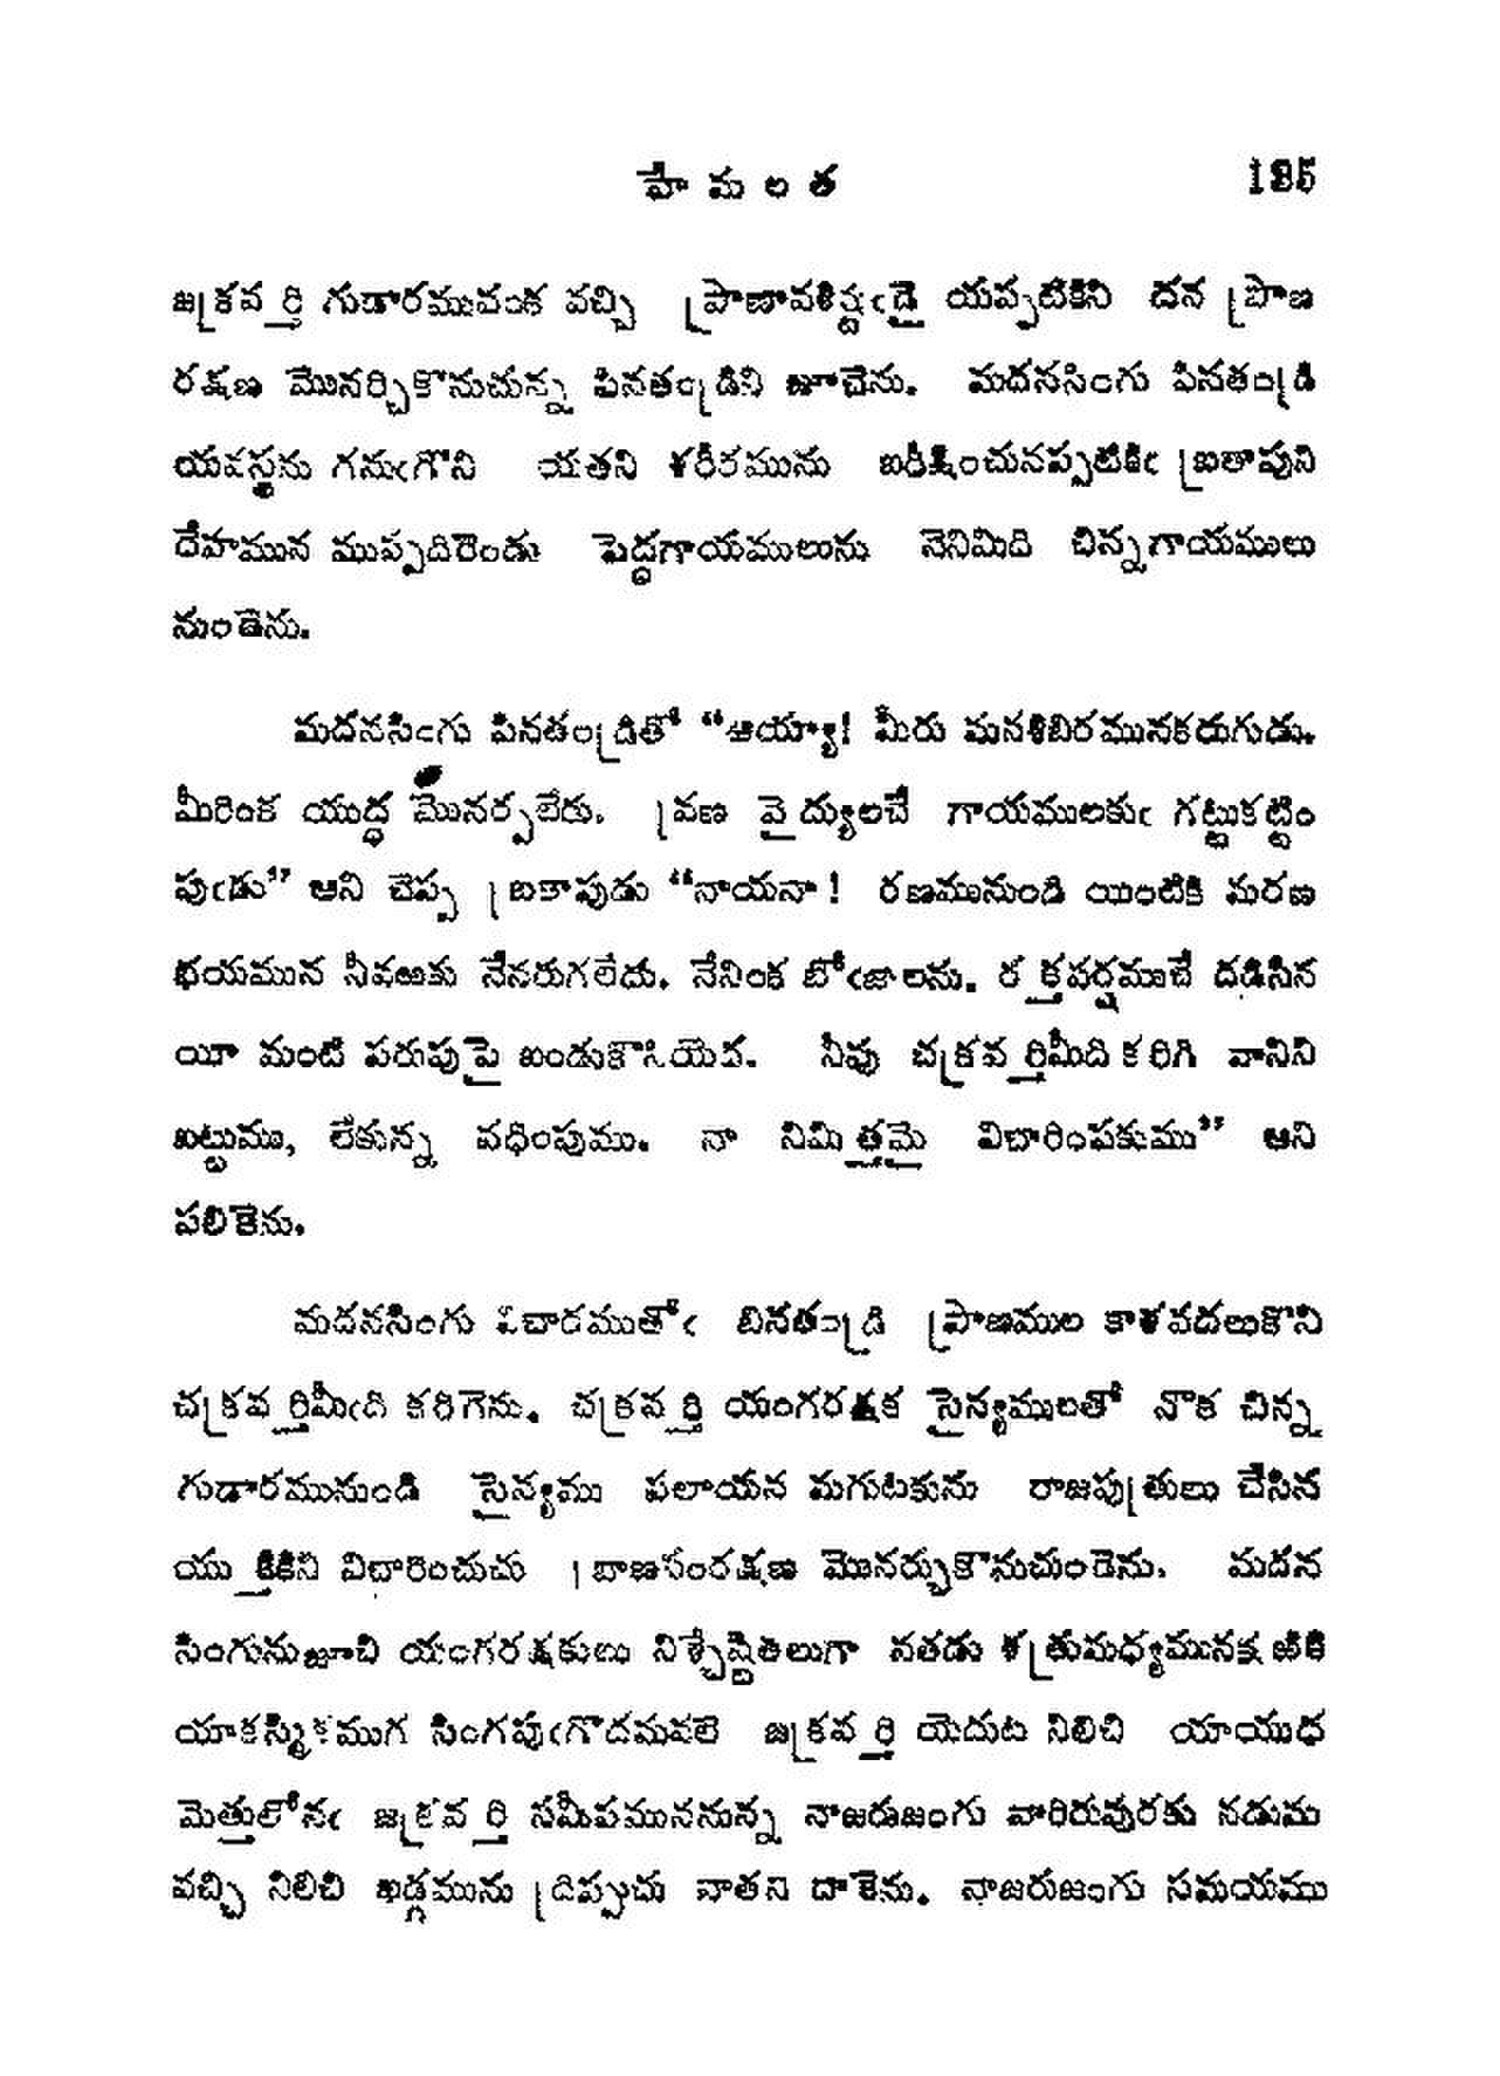జక్రవర్తి గుడారమువంక వచ్చి ప్రాణావశిష్టుఁడై యప్పటికిని దన ప్రాణ రక్షణ మొనర్చికొనుచున్న పినతండ్రిని జూచెను. మదనసింగు పినతండ్రి యవస్థను గనుఁగొని యతని శరీరమును బరీక్షించునప్పటికిఁ బ్రతాపుని దేహమున ముప్పది రెండు పెద్దగాయములును నెనిమిది చిన్న గాయములు నుండెను.

మదనసింగు పినతండ్రితో “అయ్యా! మీరు మనశిబిరమునకరుగుడు. మీరింక యుద్ధ మొనర్పలేరు. వ్రణ వైద్యులచే గాయములకుఁ గట్టుకట్టింపుఁడు” అని చెప్ప బ్రతాపుడు “నాయనా! రణమునుండి యింటికి మరణ భయమున నీవఱకు నేనరుగలేదు. నేనింక బోఁజాలను, రక్తవర్షముచే దడిసిన యీ మంటి పరుపుపై బండు కొనియెద. నీవు చక్రవర్తిమీది కరిగి వానిని బట్టుము, లేకున్న వధింపుము. నా నిమిత్తమై విచారింపకుము” అని పలికెను.

మదనసింగు విచారముతోఁ బినతండ్రి ప్రాణముల కాశవదలుకొని చక్రవర్తిమీఁది కరిగెను. చక్రవర్తి యంగరక్షక సైన్యములతో నొక చిన్న గుడారమునుండి సైన్యము పలాయన మగుటకును రాజపుత్రులు చేసిన యుక్తికిని విచారించుచు బ్రాణ సంరక్షణ మొనర్చుకొనుచుండెను, మదనసింగును జూచి యంగరక్షకులు నిశ్చేష్టితలుగా నతడు శత్రుమధ్యమునకుఱికి యాకస్మికముగ సింగపుఁగొదమవలె జక్రవర్తి యెదుట నిలిచి యాయుధ మెత్తులోనఁ జక్రవర్తి సమీపమునసున్న నాజరజంగు వారిరువురకు నడుము వచ్చి నిలిచి ఖడ్గమును త్రిప్పుచు నాతని దాకెను. నాజరుజంగు సమయము